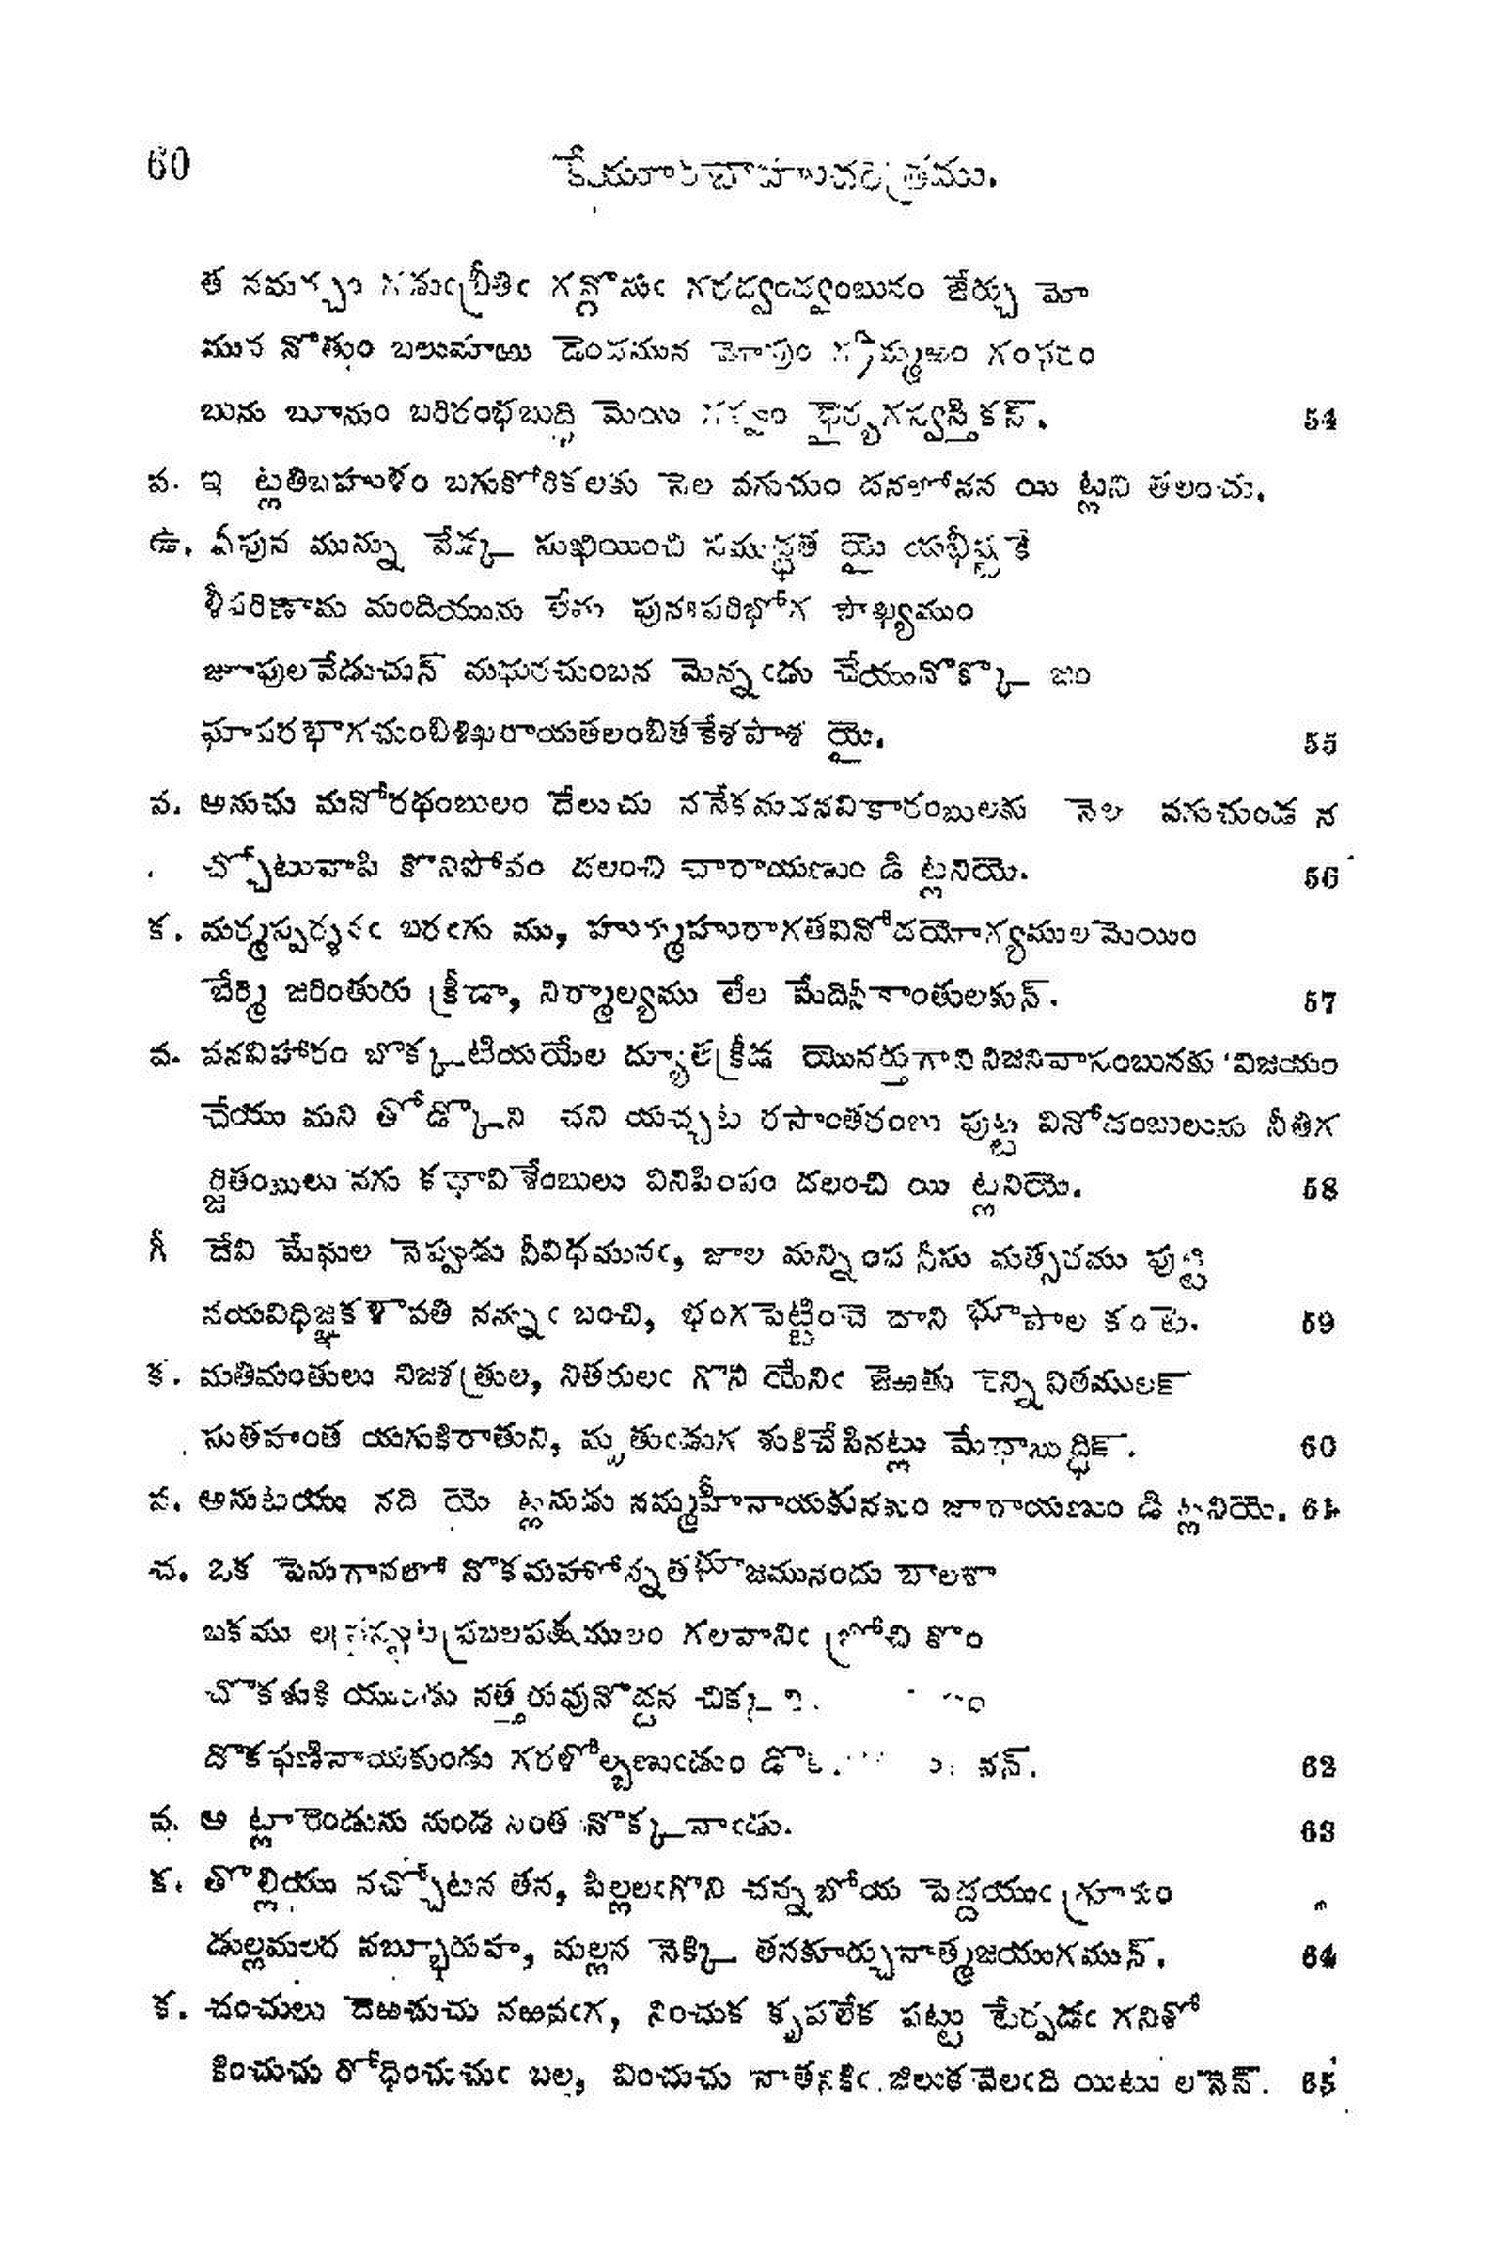త నమర్చం గడుఁబ్రీతిఁ గన్గొనుఁ గరద్వంద్వంబునం జేర్చు మో
 మున నోతుం బలుమాఱు డెందమున మోపుం గ్రమ్మఱం గంధరం
 బును బూనుం బరిరంభబుద్ధి మెయి గప్పుం ధైర్యగస్వస్తికన్.
వ. ఇ ట్లతిబహుళం బగుకోరికలకు నెల వగుచుం దనలోనన యి ట్లని తలంచు.
ఉ. ఏపున మున్ను వేడ్క సుఖియించి సముద్థత యై యభీష్టకే
 ళీపరిణామ మందియును లేమ పునఃపరిభోగసౌఖ్యముం
 జూపుల వేడుచున్ మధురచుంబన మెన్నఁడు చేయునొక్కొ జం
 ఘాపరభాగచుంబిశిఖరాయతలంబితకేశపాశ యై.
వ. అనుచు మనోరథంబులం దేలుచు ననేకమదనవికారంబులకు నెల వగుచుండ న
 చ్చోటువాసి కొనిపోవం దలంచి చారాయణుం డి ట్లనియె.
క. మర్మస్పర్శనఁ బరఁగు ము, హుర్ముహురాగతవినోదయోగ్యముల మెయిం
 బేర్మి జరింతురు క్రీడా, నిర్మాల్యము లేల మేదినీకాంతులకున్.
వ. వనవిహారం బొక్కటియ యేల ద్యూతక్రీడ యొనర్తు గాని నిజనివాసంబునకు విజయం
 చేయు మని తోడ్కొని చని యచ్చట రసాంతరంబు పుట్ట వినోదంబులును నీతిగ
 ర్జితంబులు నగు కథావిశేషంబులు వినిపింపం దలంచి యి ట్లనియె.
గీ. దేవీ మేఘల నెప్పుడు నీవిధమునఁ, జాల మన్నింప నీసు మత్సరము పుట్టి
 నయవిధిజ్ఞ కళావతి నన్నుఁ బంచి, భంగపెట్టించె దాని భూపాల కంటె.
క. మతిమంతులు నిజశత్రుల, నితరులఁ గొని యేనిఁ జెఱతు రెన్నివితములన్
 సుతహంత యగుకిరాతుని, మృతుఁడుగ శుకి చేసినట్లు మేధాబుద్ధిన్.
వ. అనుటయు నది యెట్లనుడు నమ్మహీనాయకునం జారాయణుం డి ట్లనియె.
చ. ఒక పెనుగానలో నొకమహోన్నతభూజమునందు బాలశా
 బకము లప్రస్ఫుటప్రబలపక్షములం గలవానిఁ బ్రోచి కొం
 చొకశుకి యుంచు నత్తరువునొద్దన చిక్కని.......
 దొకఫణినాయకుండు గరళోల్బణుఁడుం డొక......నన్.
వ. అ ట్లారెండును నుండ నంత నొక్కనాఁడు.
క. తొల్లియు నచ్చోటన తన, పిల్లలగొని చన్నబోయ పెద్దయుఁ గ్రూరుం
 డుల్లమలద నబ్భూరుహ, మల్లన నెక్కి తనకూర్చునాత్మజయుగమున్.
క. చంచులు దెఱుచుచు నఱవఁగ, నించుక కృపలేక పట్టు టేర్పడఁ గని శో
 కించుచు రోధించుచుఁ బల, వించుచు నాతనికిఁ జిలుకవెలఁది యిటు లనెన్.